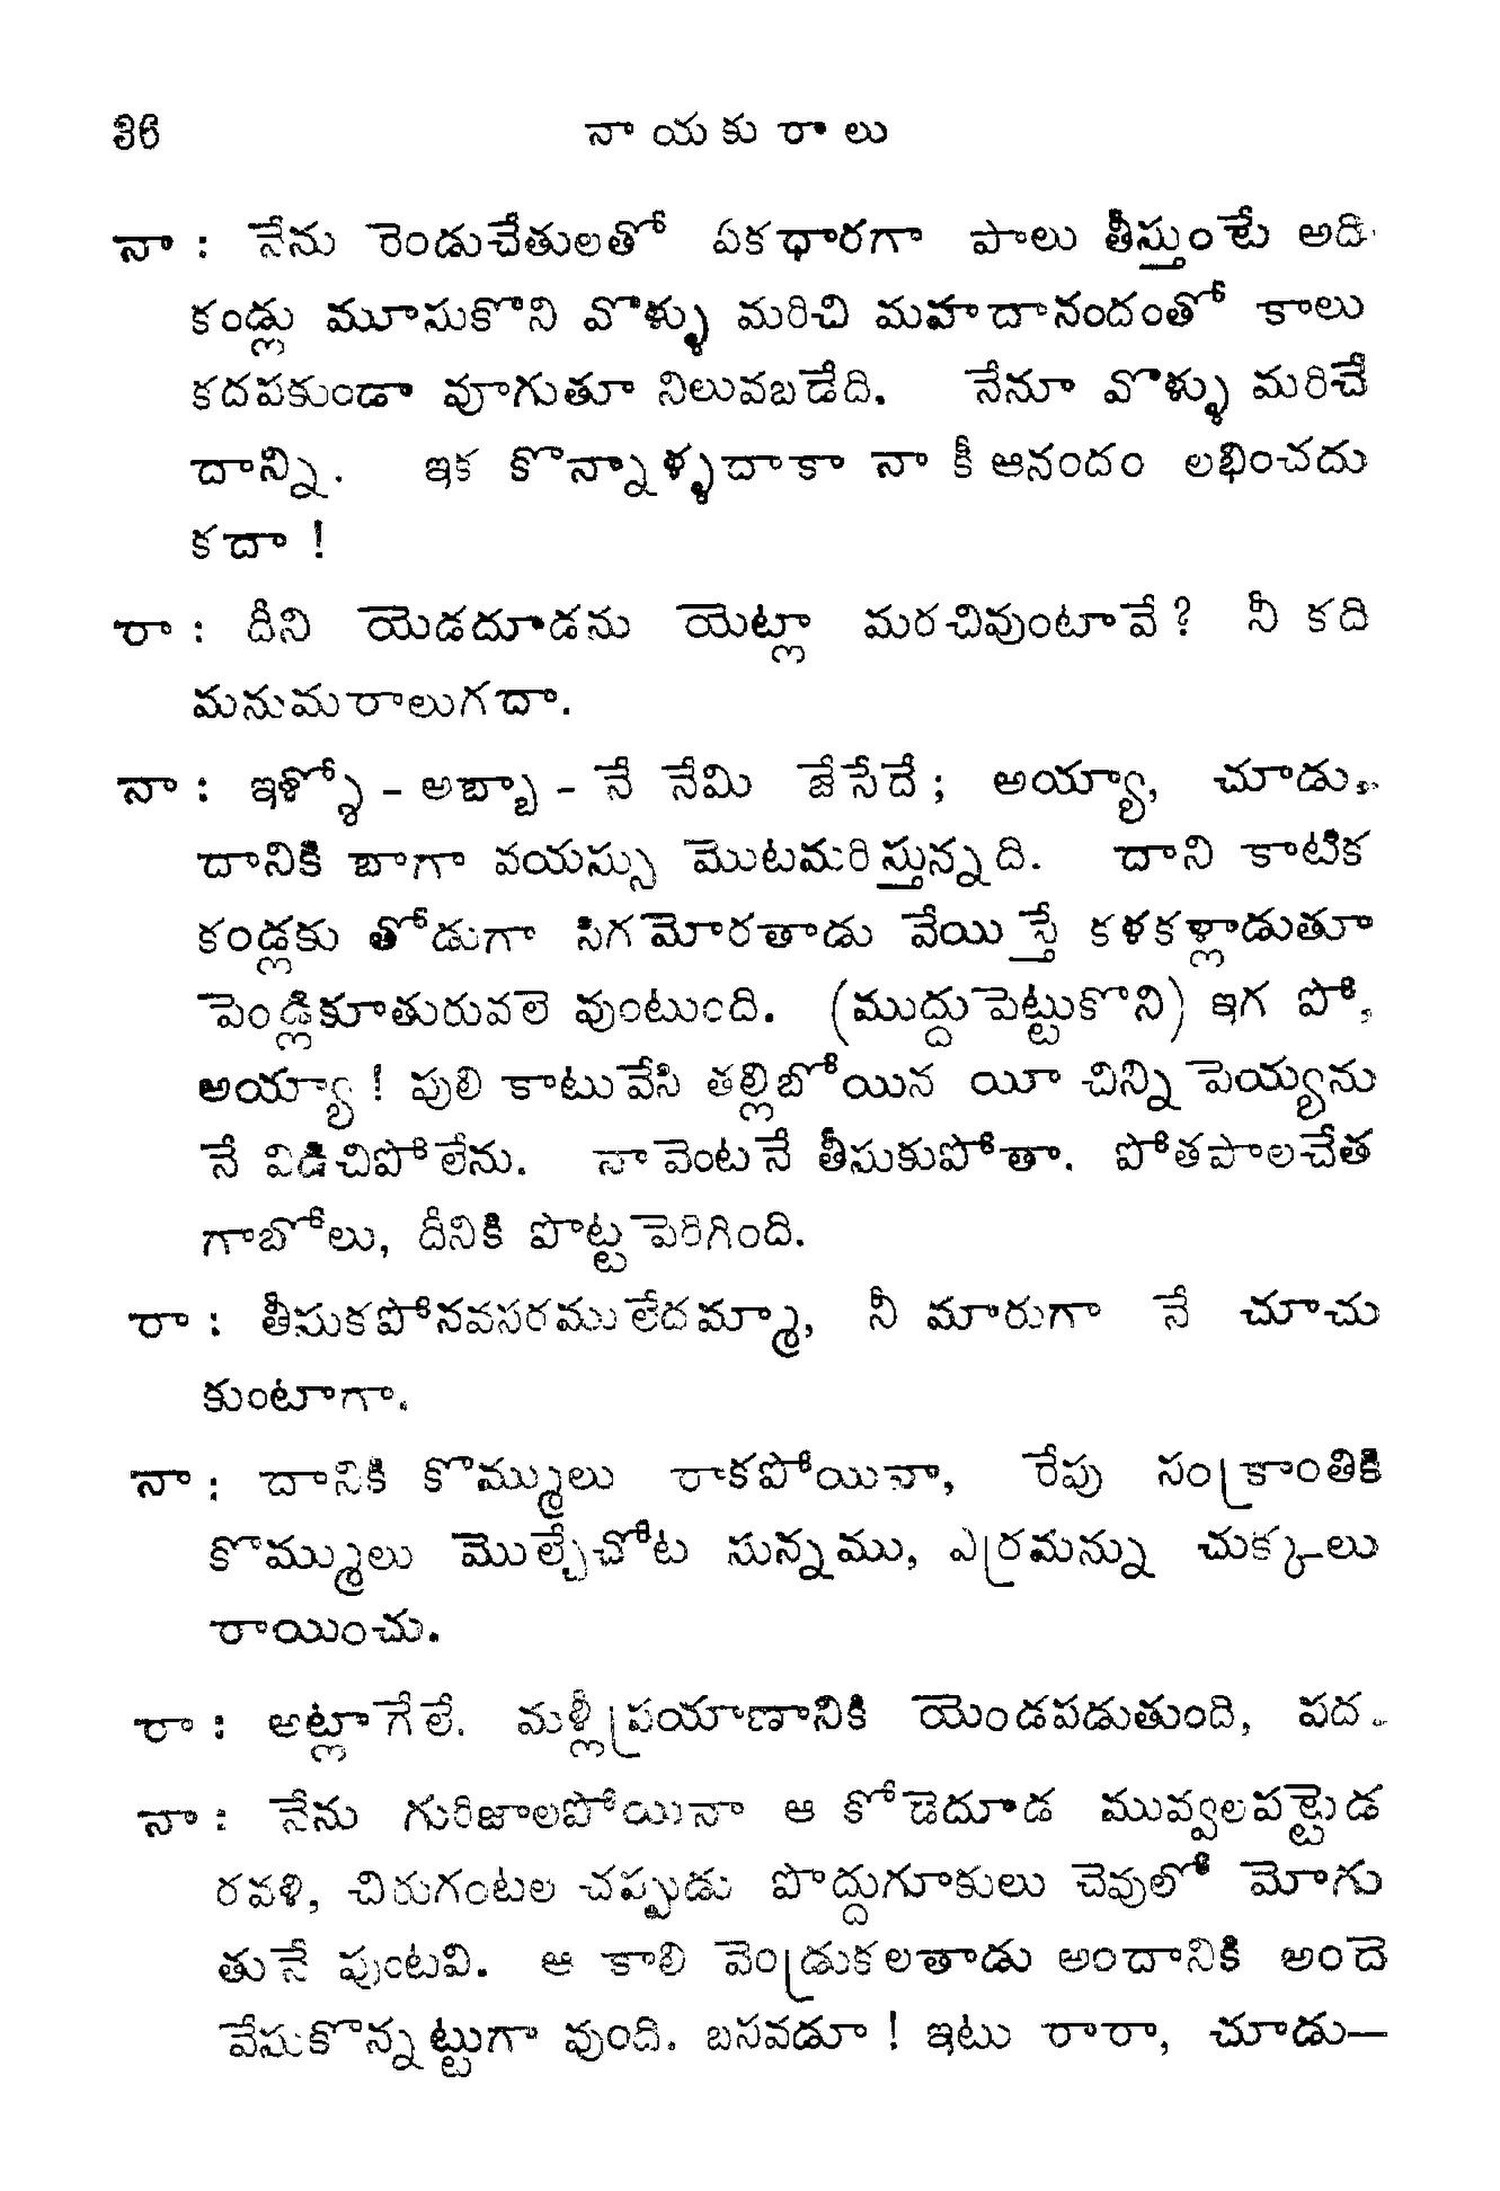నా : నేను రెండుచేతులతో ఏకధారగా పాలు తీస్తుంటే అది కండ్లు మూసుకొని వొళ్ళు మరిచి మహదానందంతో కాలు కదపకుండా వూగుతూ నిలువబడేది. నేనూ వొళ్ళు మరిచే దాన్ని, ఇక కొన్నాళ్ళదాకా నా కీ ఆనందం లభించదు కదా!

రా : దీని యెడదూడను యెట్లా మరచివుంటావే? నీ కది మనుమరాలుగదా.

నా : ఇళ్ళో - అబ్బా - నే నేమి జేసేదే ; అయ్యా, చూడు. దానికి బాగా వయస్సు మొటమరిస్తున్నది. దాని కాటిక కండ్లకు తోడుగా సిగమోరతాడు వేయిస్తే కళకళ్లాడుతూ పెండ్లికూతురువలె వుంటుంది. (ముద్దు పెట్టుకొని) ఇగ పో, అయ్యా ! పులి కాటువేసి తల్లిబోయిన యీ చిన్ని పెయ్యను నే విడిచిపోలేను. నావెంటనే తీసుకుపోతా. పోతపాలచేత గాబోలు, దీనికి పొట్ట పెరిగింది.

రా : తీసుకపోనవసరములేదమ్మా, నీ మారుగా నే చూచు కుంటాగా,

నా : దానికి కొమ్ములు రాకపోయినా, రేపు సంక్రాంతికి కొమ్ములు మొల్చేచోట సున్నము, ఎర్రమన్ను చుక్కలు రాయించు.

రా: అట్లాగేలే. మళ్లీ ప్రయాణానికి యెండపడుతుంది, పద .

నా: నేను గురిజాలపోయినా ఆ కోడెదూడ మువ్వల పట్టెడ రవళి, చిరుగంటల చప్పుడు పొద్దుగూకులు చెవులో మోగుతుసే వుంటవి. ఆ కాలి వెండ్రుకలతాడు అందానికి అందె
వేసుకొన్నట్టుగా వుంది. బసవడూ ! ఇటు రారా, చూడు-